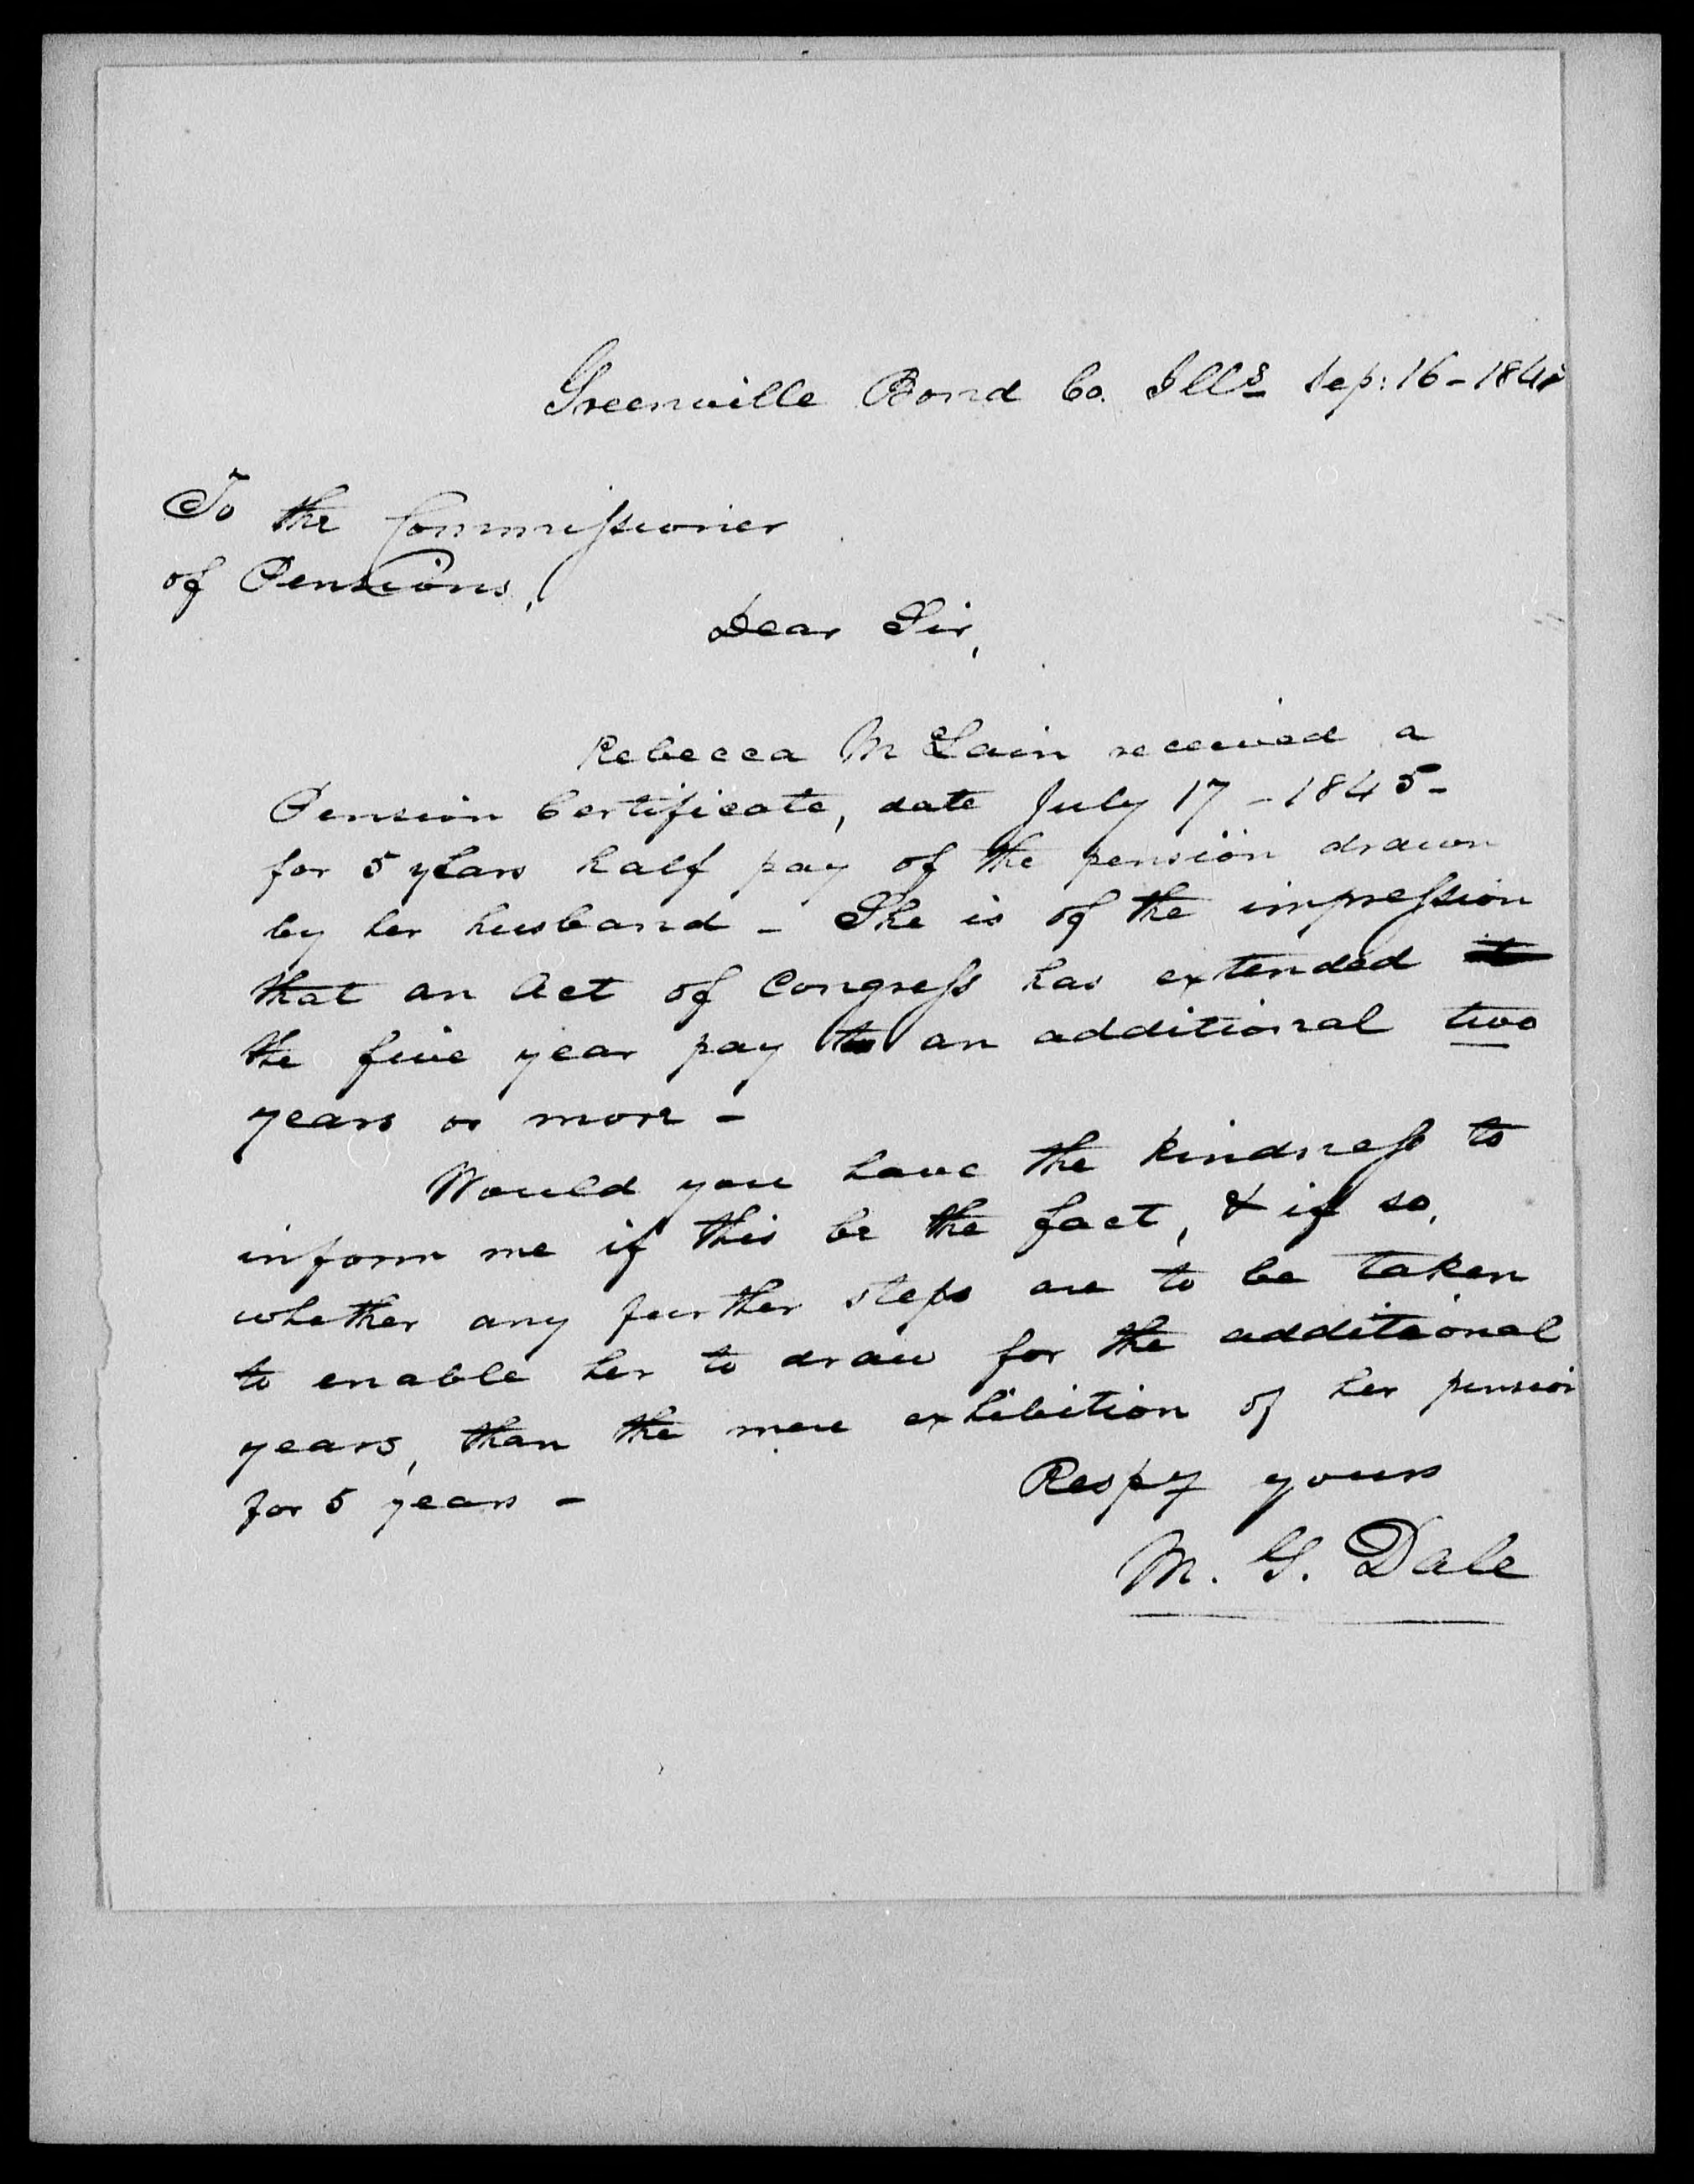Greenville Bond Co. Ills Sep. 16. 1842 

To the Commissioner 
of Pensions 

Dear Sir, 

Rebecca McLain received a Pension Certificate, date July 17, 1845 for 5 years half pay of the pension drawn by her husband - She is of the impression that an act of Congress has extended the five year pay to an additional two years or more – 
Would you have the kindness to inform me if this be the fact, & if so, whether any further steps are to be taken to enable her to draw for the additional years, than the more exhibition of her pension for 5 years – 
Respy [Respectfully] Yours 
M. G. Dale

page: 38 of 67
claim: widow's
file: W. 21793, for George Mc Lain, North Carolina